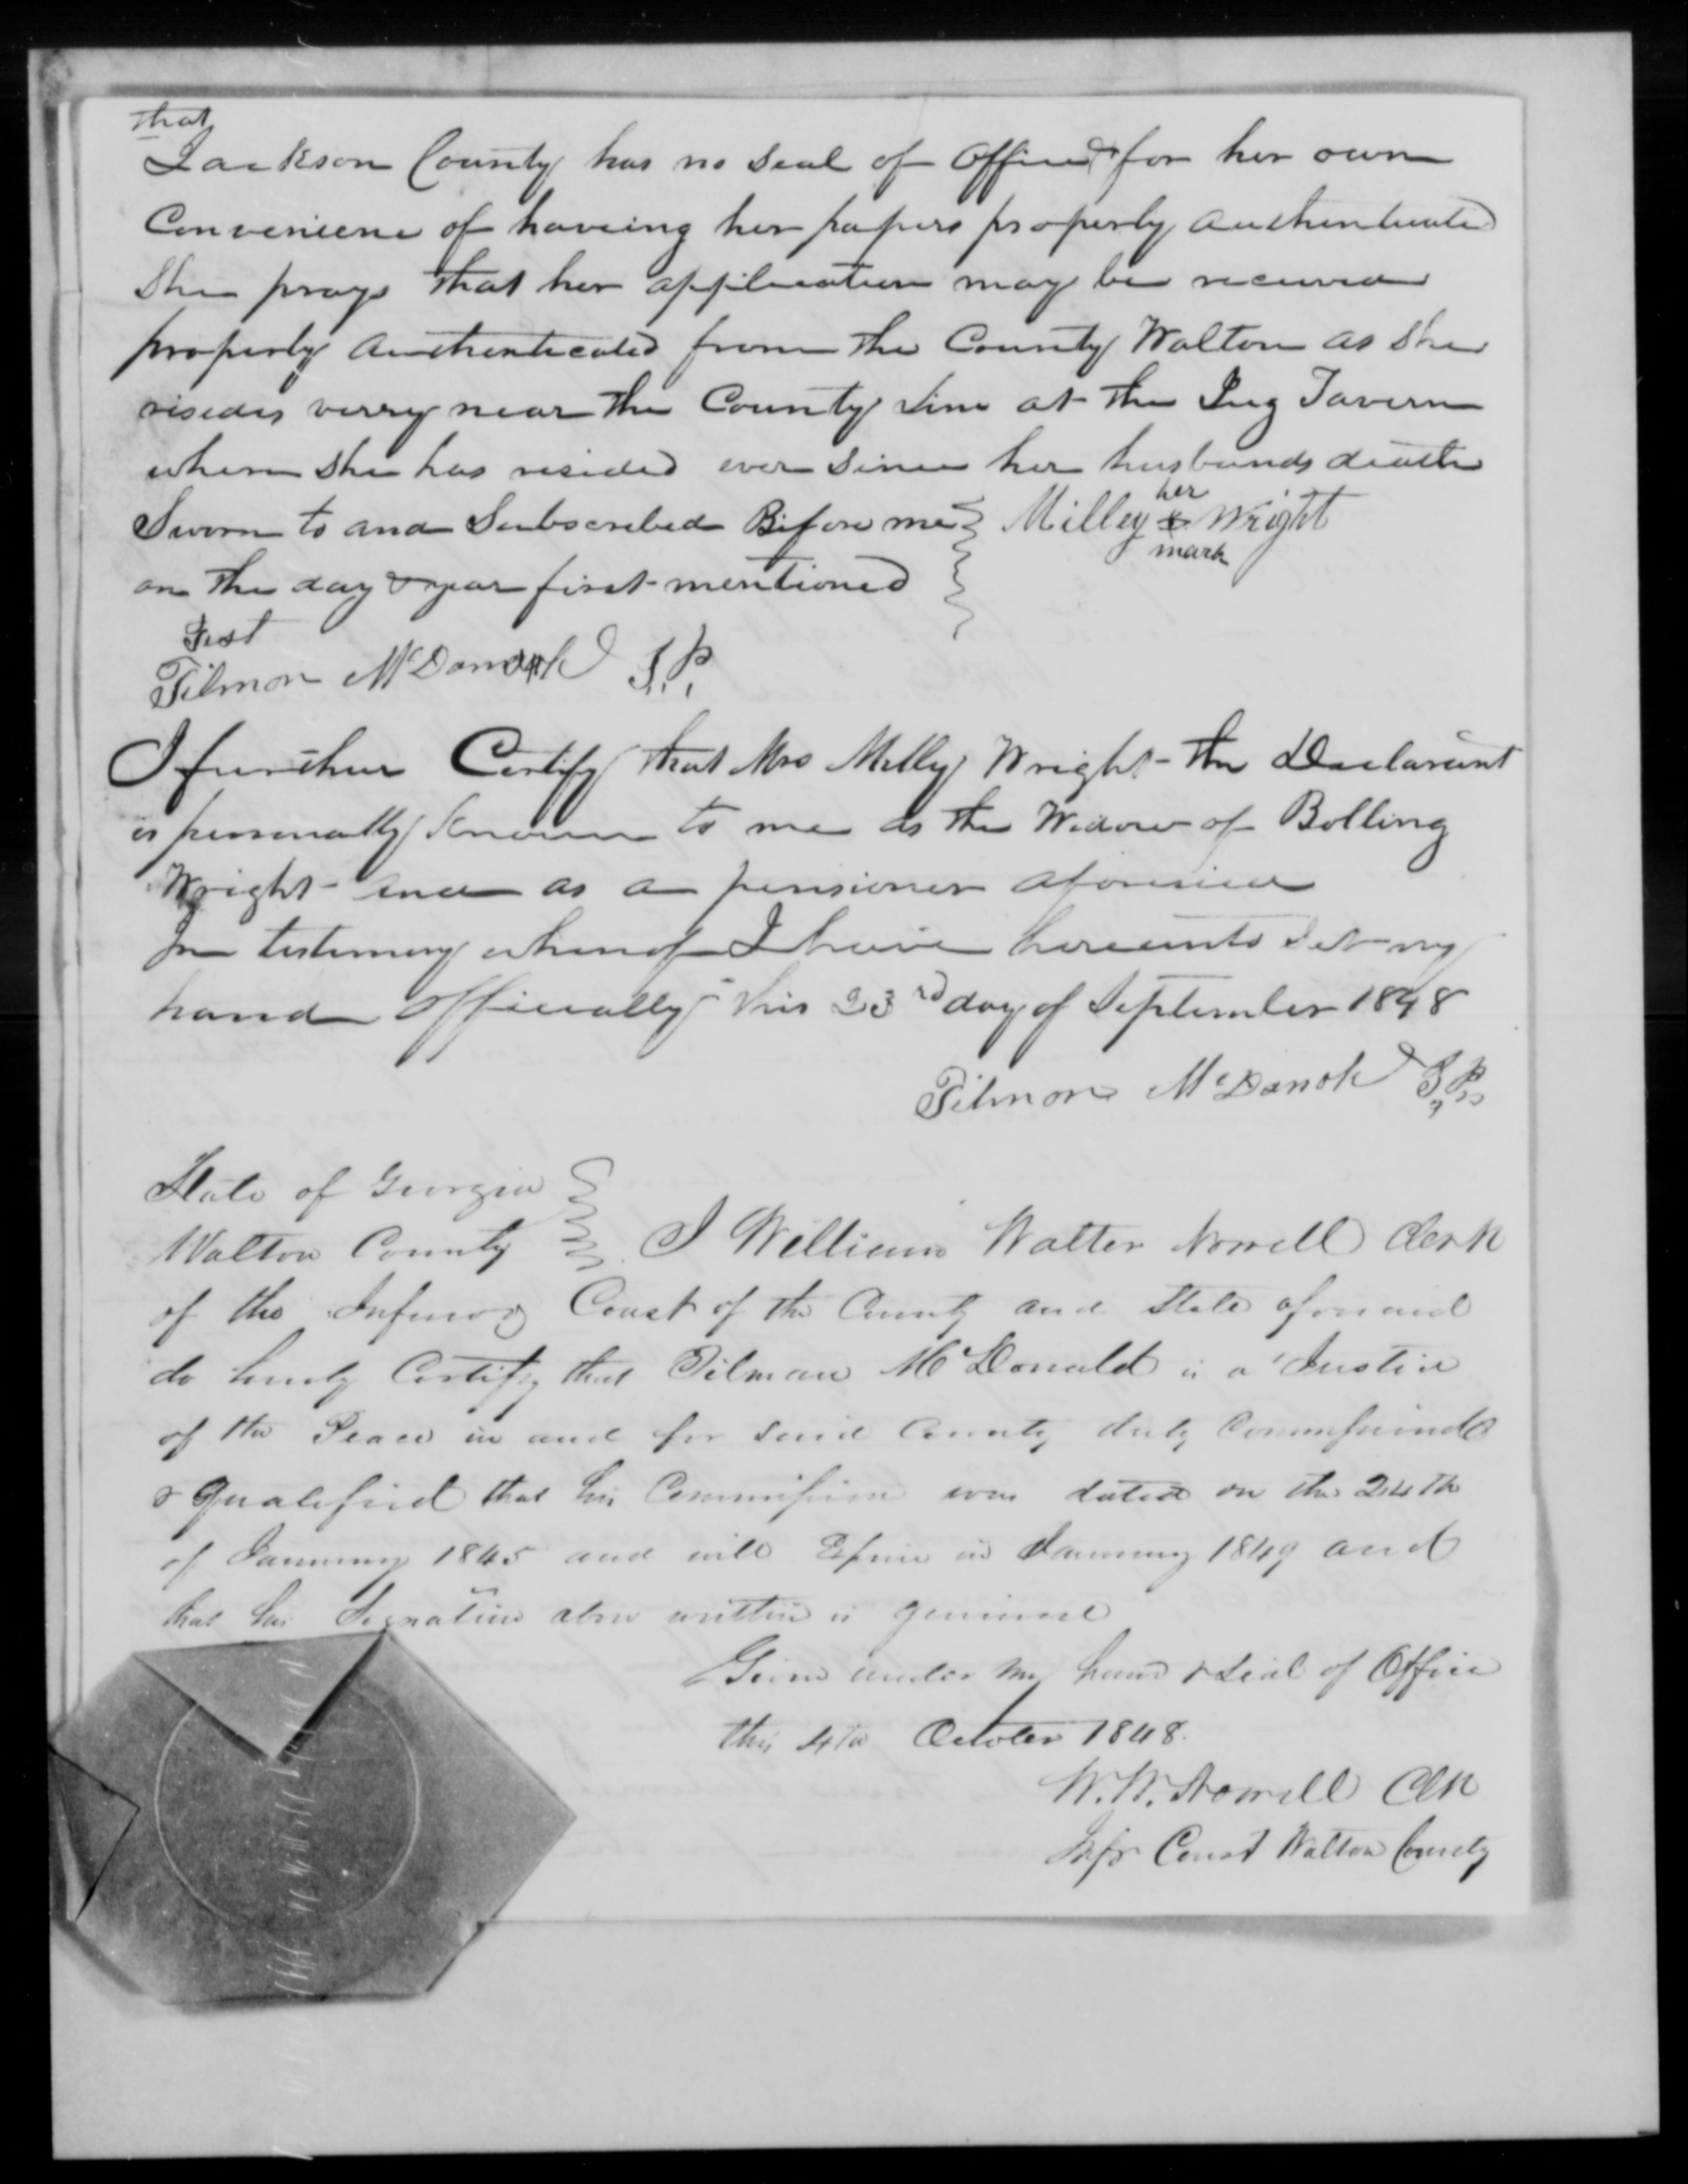that Jackson County has no Seal of Office for her own convenience of having her papers properly authenticated.  She prays that her application may be [illegible] properly authenticated from the County of Walton as she resides near the County line at the Ivy Tavern where she has resided ever since her husbands death Sworn to and Subscribed before me on this day and year first mentioned
Just
Tilmon McDonald J.P.

Milly Wright
her X mark

I further certify that Mrs Milly Wright - the Declarant is personally known to me as the widow of Bolling Wright - and as a pensioner aforesaid in testimony where I have hereunto set my hand officially this 23rd day of September 1898
Tilmon McDonald J.P.

State of Georgia
Walton County
I William Walter Nowell Clerk of the Inferior Court of the County and State aforesaid do hereby certify that Tilmon McDonald is a Justice of the Peach in and for said County duly Commissioned and Qualified that his Commission was dated on the 26th of January 1845 and will expire in January 1869 and that his signature above written is genuine
Given under by land and Seal of Office
this 4th October 1868
W W Nowell Clerk
Infr Court Walton County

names: Tilmon Mc Donald, William Walter Nowell, Bolling Wright, Milley Wright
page: 45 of 81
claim: widow's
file: W. 5183, Bolling Wright, Va.